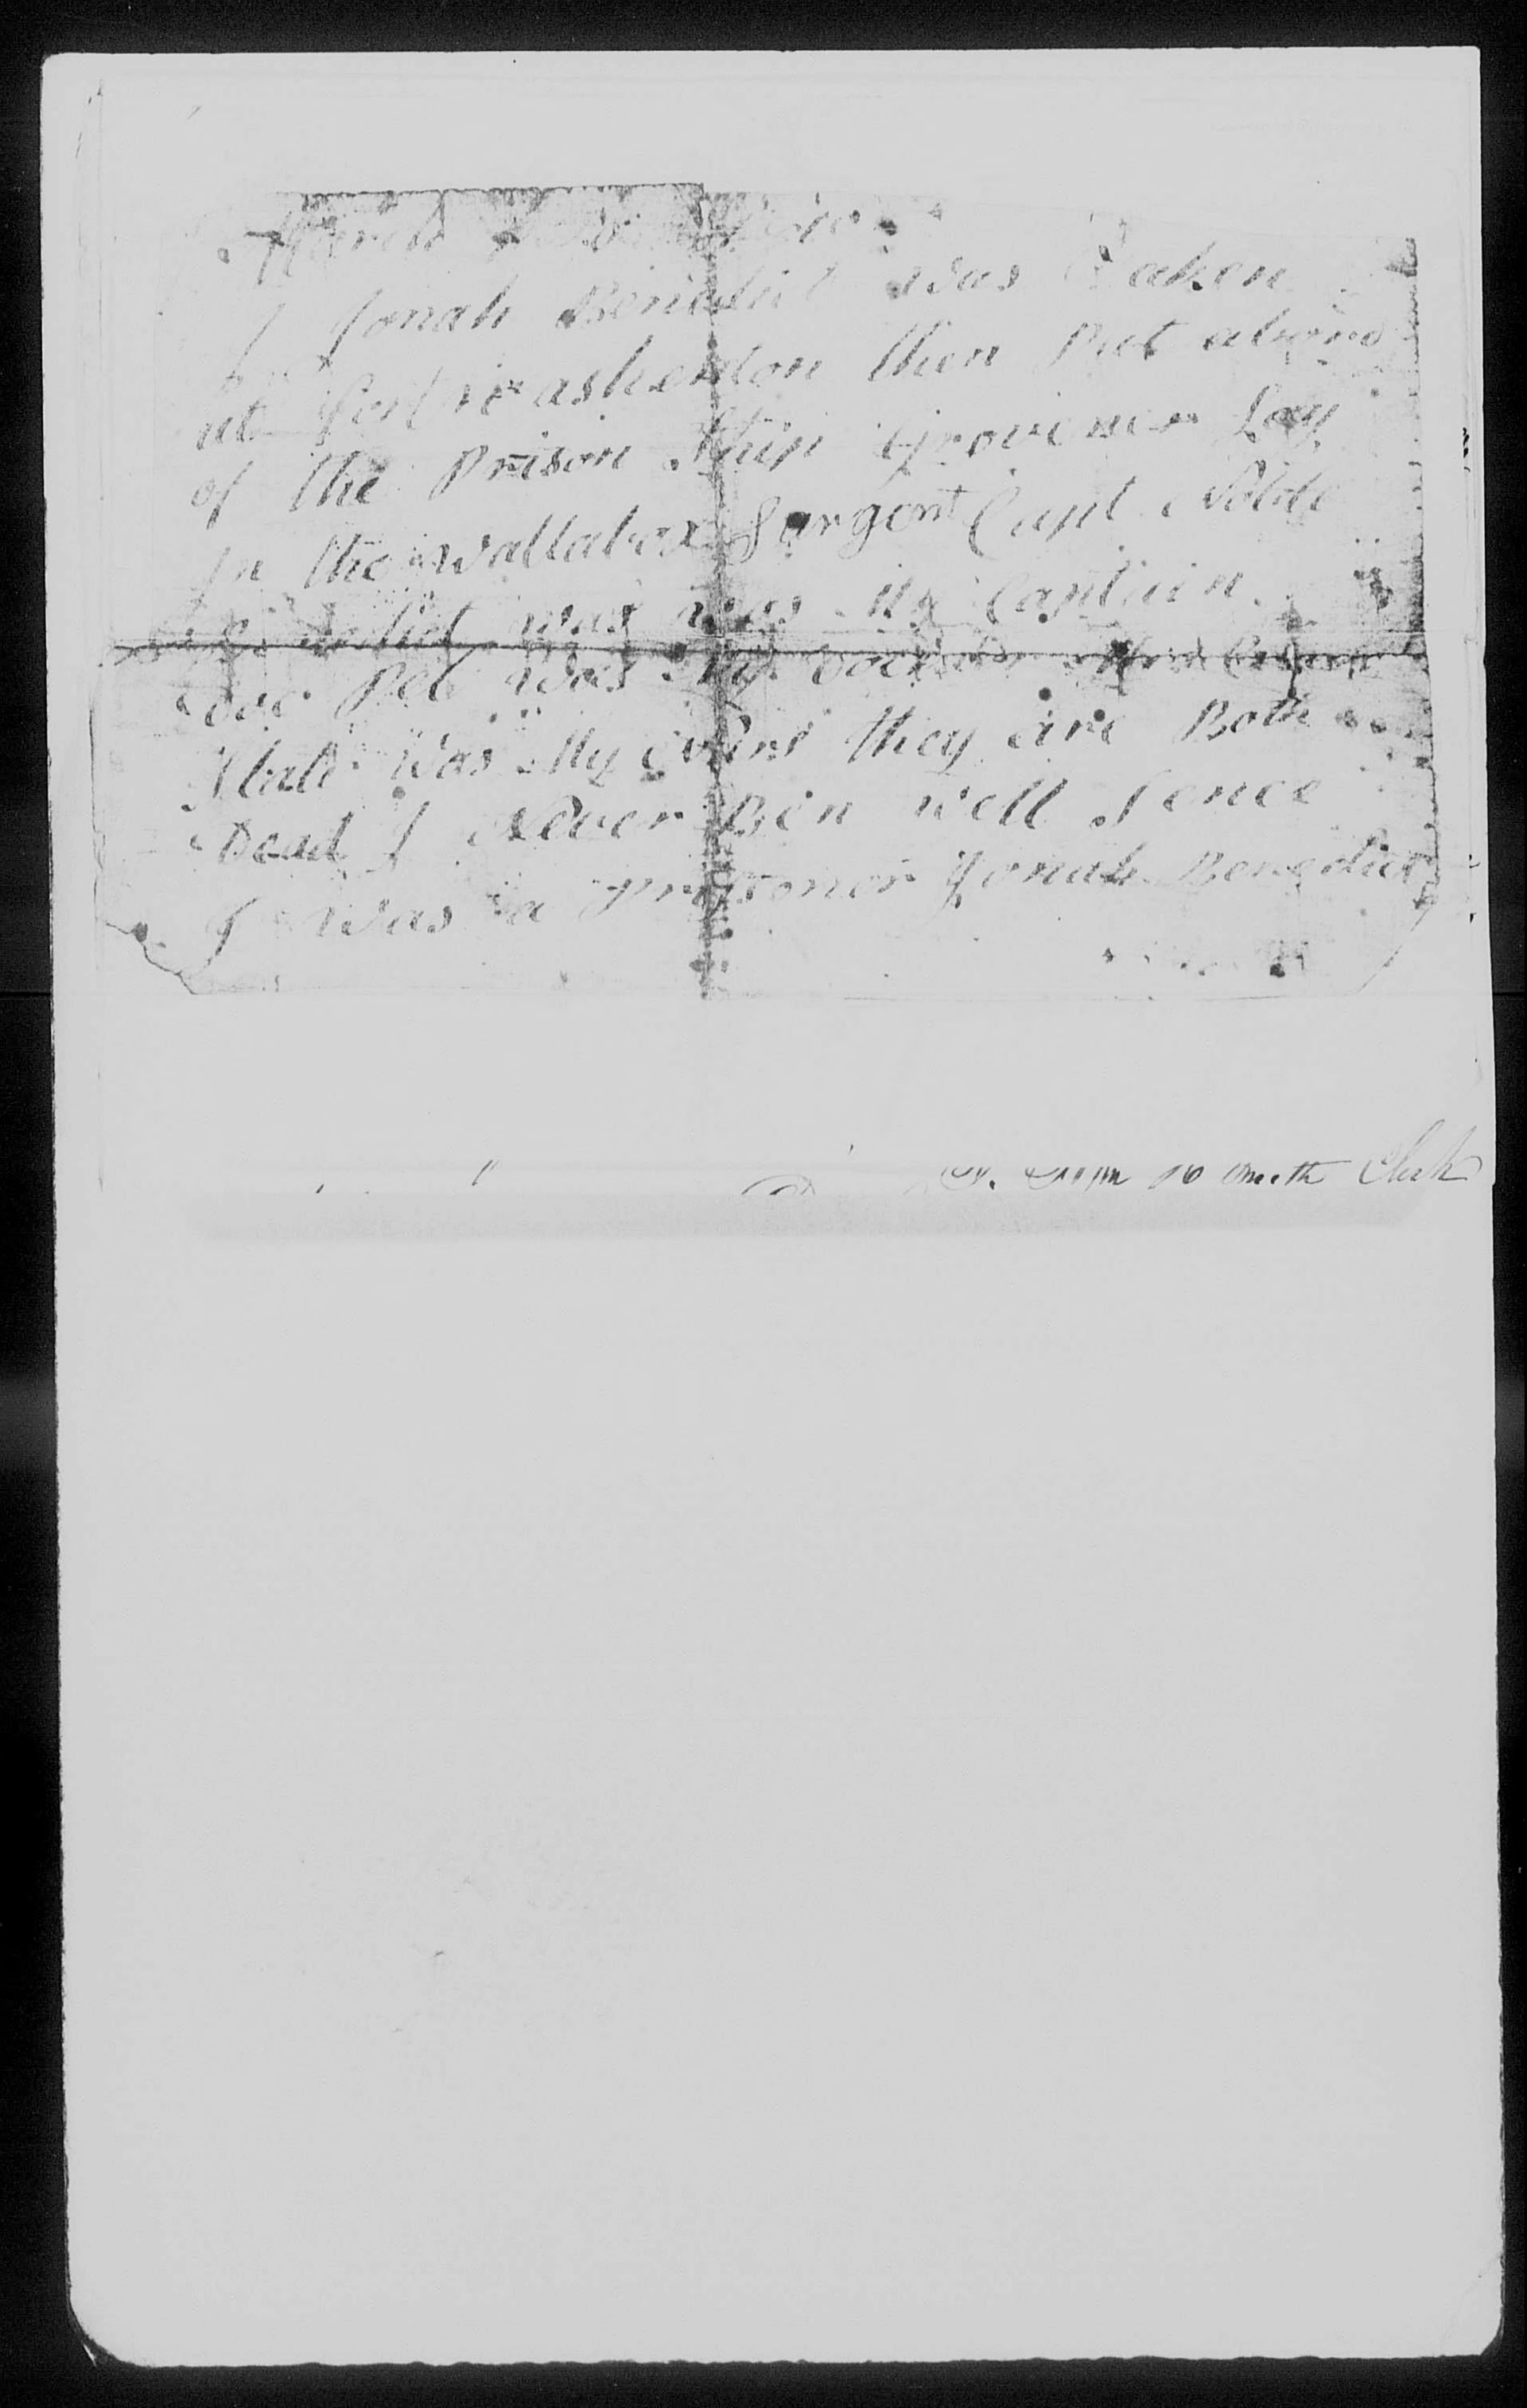1
Jonah Benedict was taken
at Fort Washington  then put aboard
of the prison ship Exp???
?????????
Sargent Capt Noble
Benedict was then his Captain.
1
and
R
to
●
always they an both
&
of
S
in will feel
as
Lords Rent
1
& 16 Smith Clerk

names: Jonah Benedict, Jonah Benedict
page: 55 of 56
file: [ILLEGIBLE], Jonah Benedict, Conn.